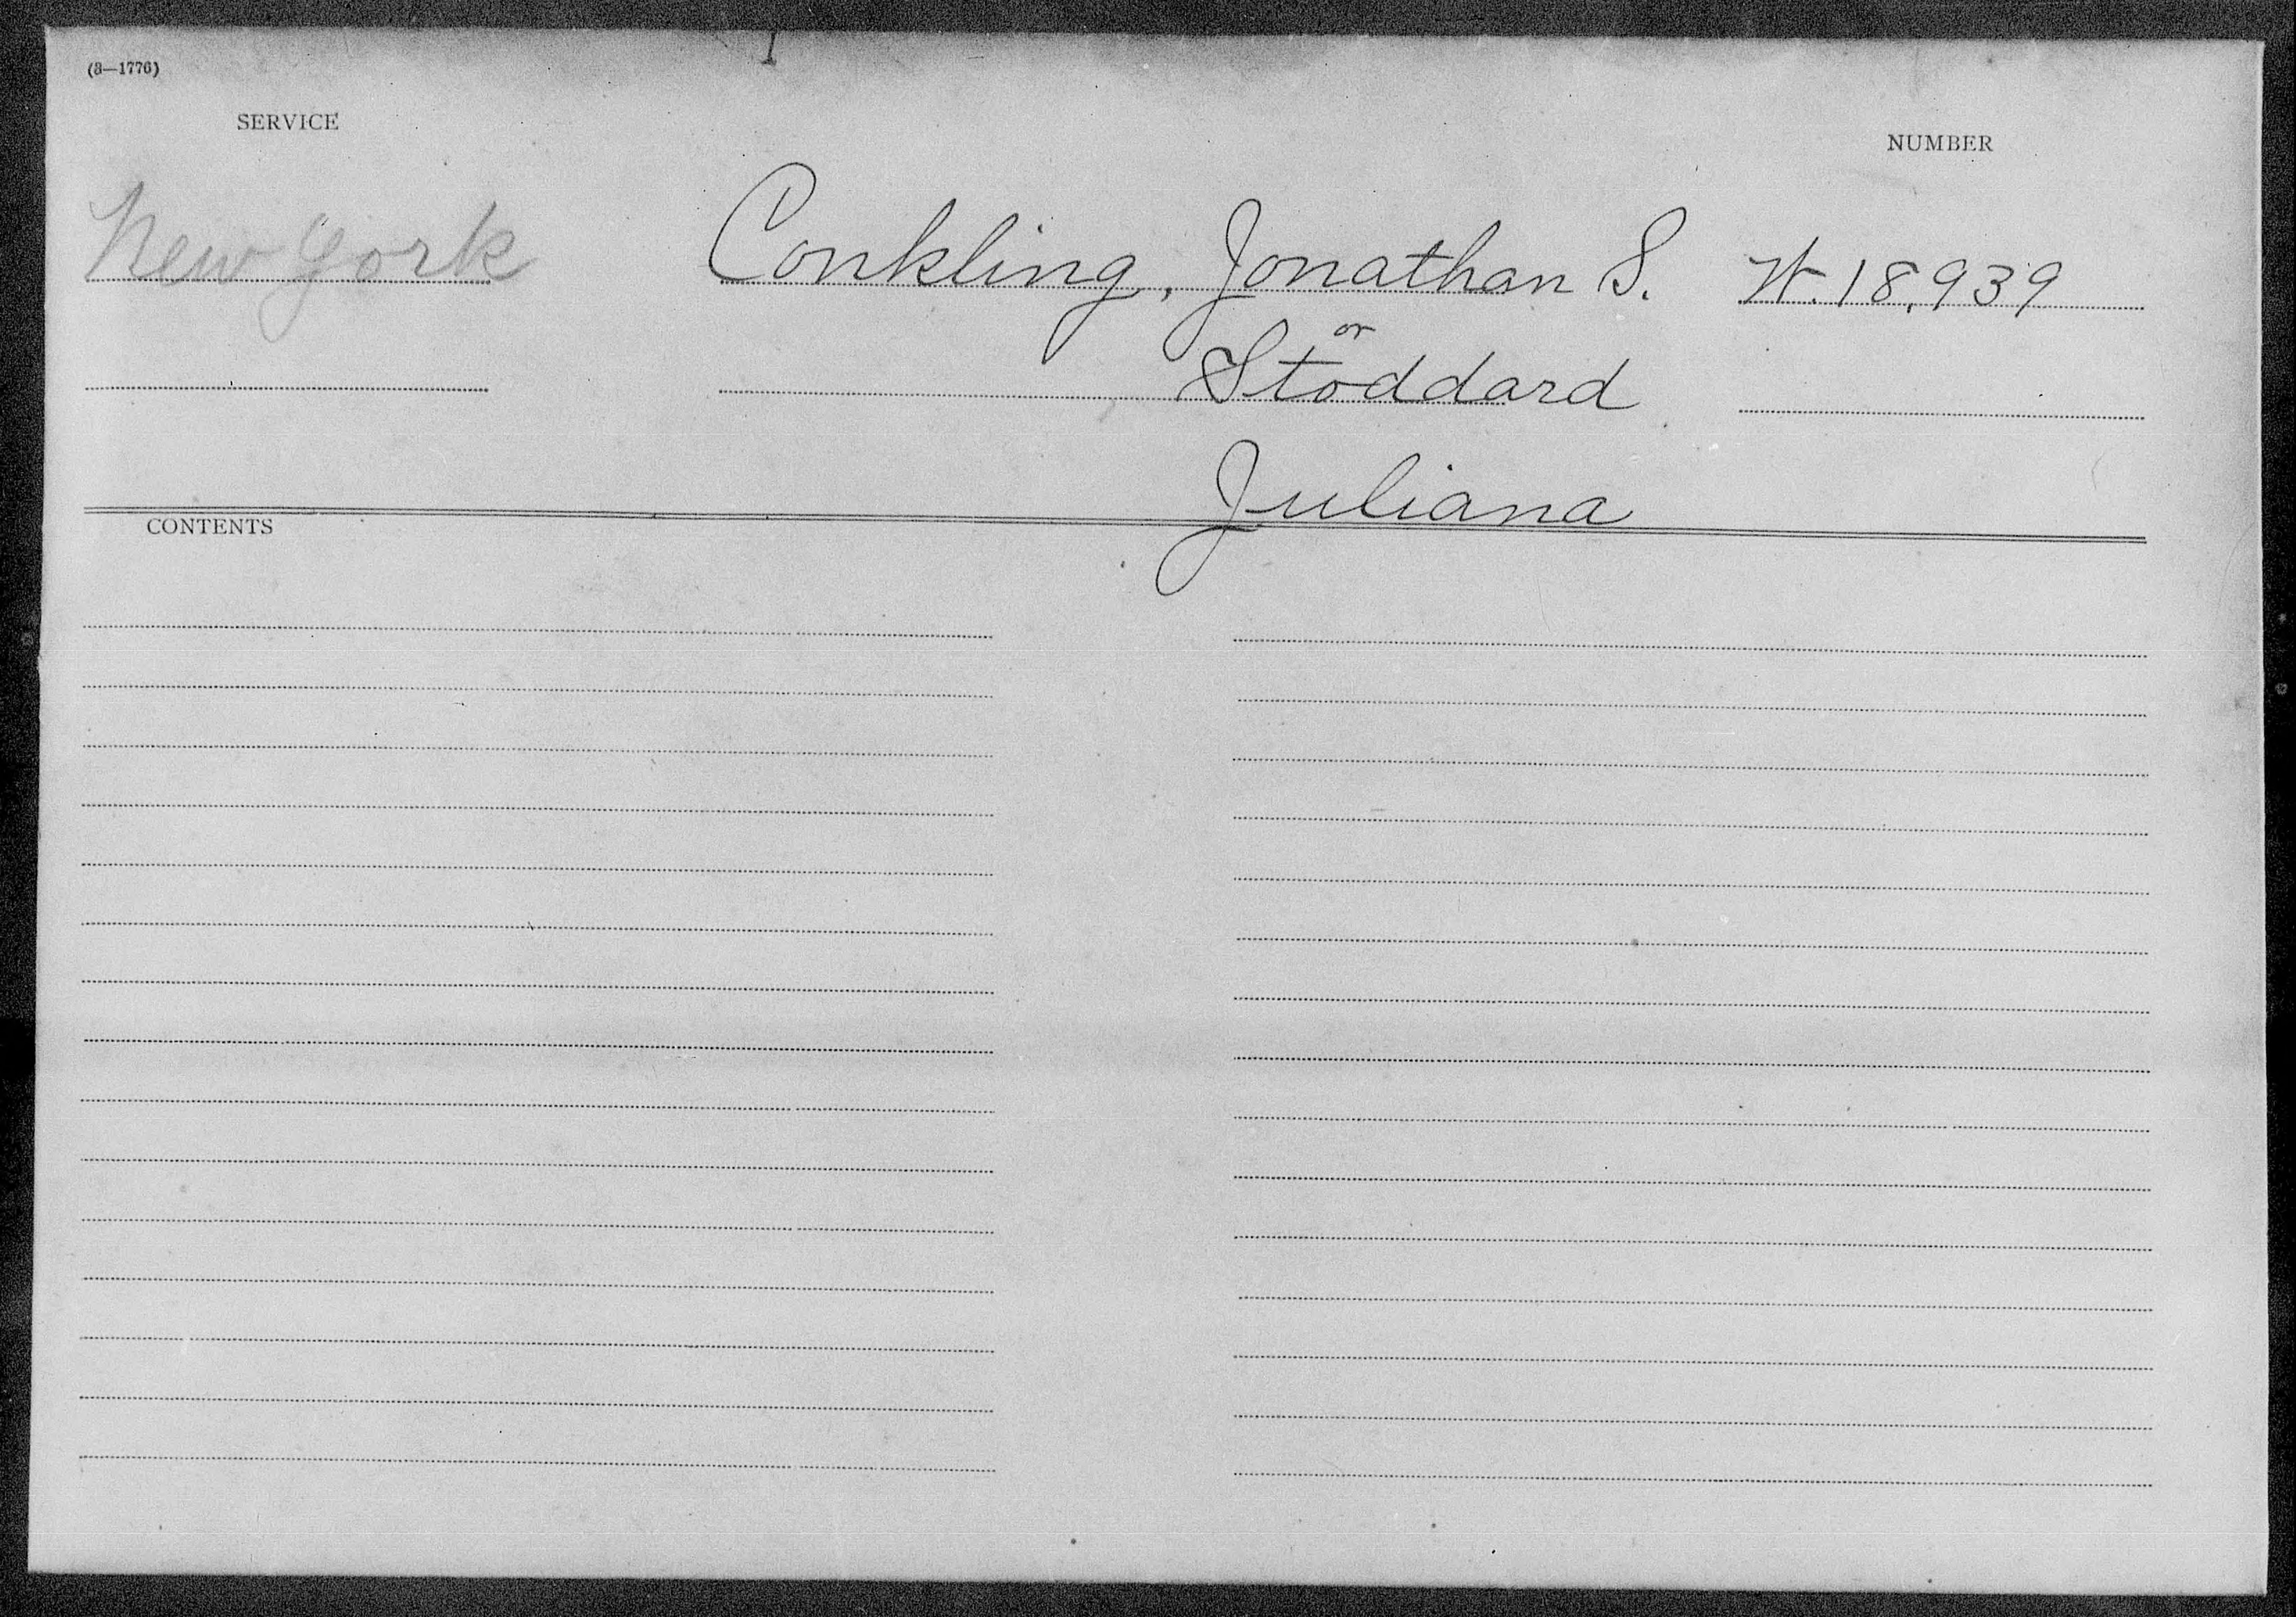New York Conkling, Jonathan S. W 18939
or Stoddard
Juliana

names: Stoddard Conkling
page: 1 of 18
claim: widow's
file: W. 18,939, Jonathan S Conkling, New York